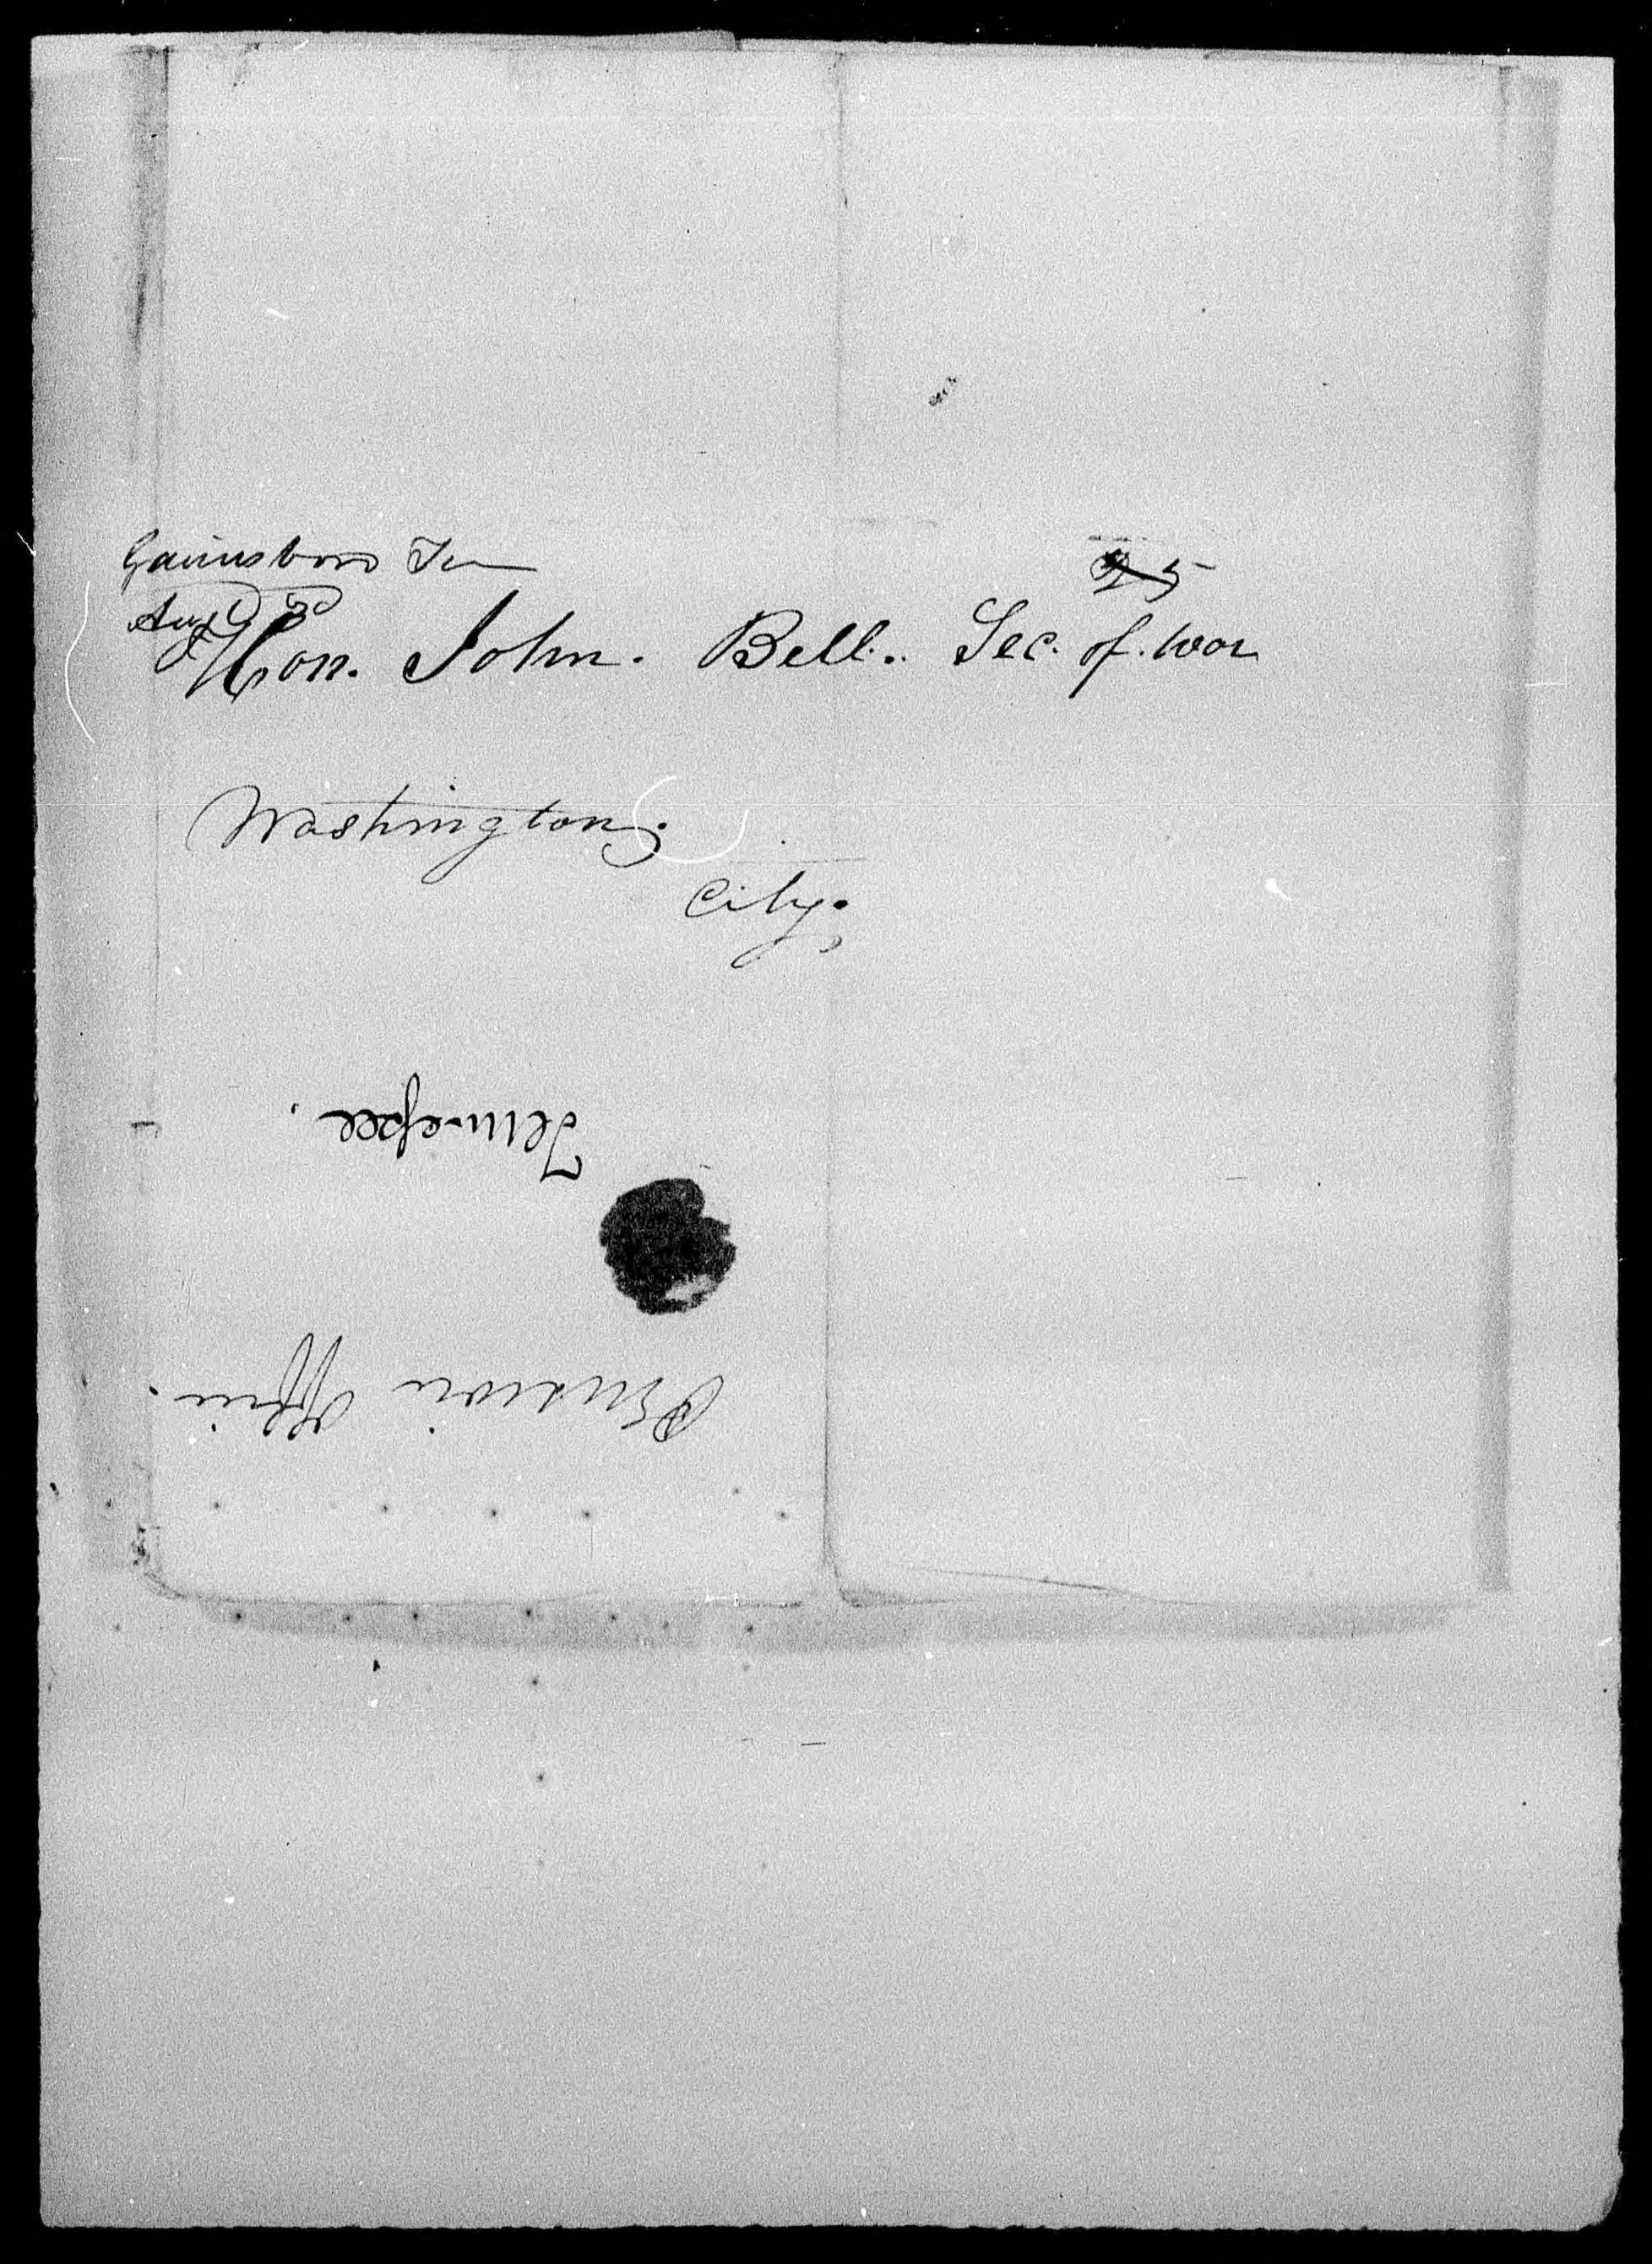Gainsboro Ten [Tennessee]

Aug 3d [3rd]
Hon. John Bell Sec. of War 
Washington City;

[written upside down] Pension Office Tennessee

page: 5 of 19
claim: rejected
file: R. 5442, for Samuel Hutchison, Virginia